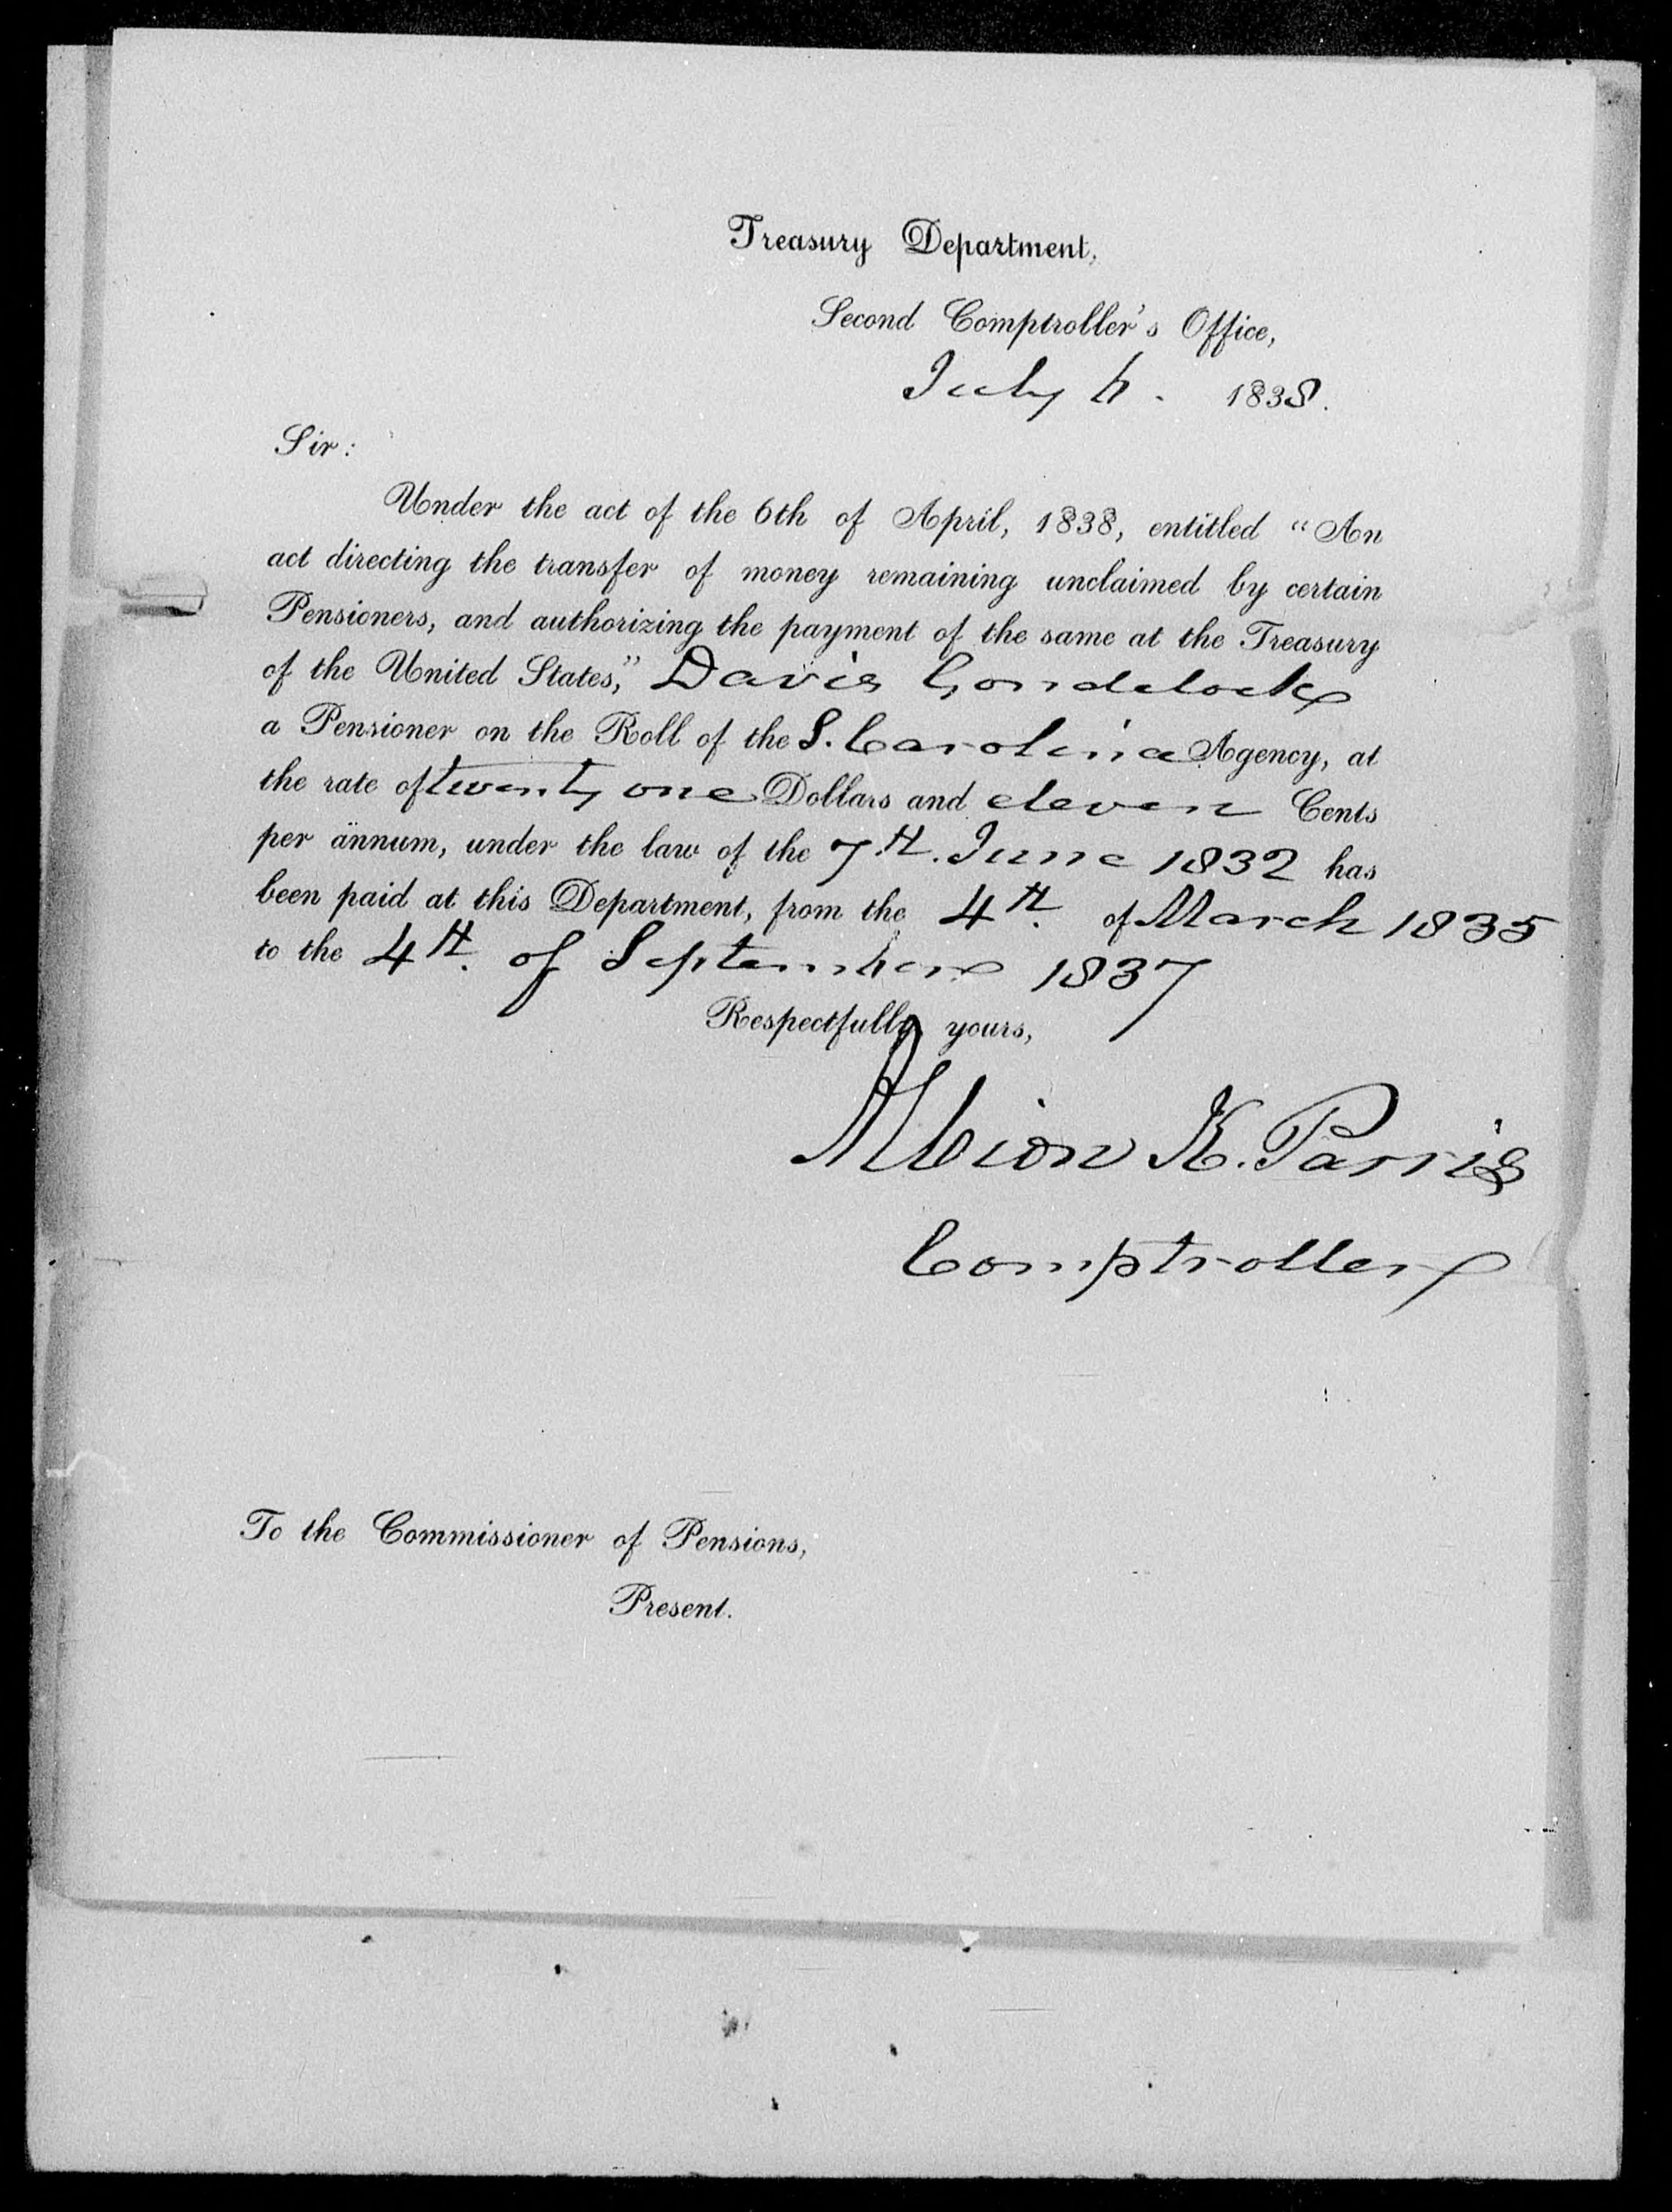Treasury Department,
Second Comptroller's Office,
July 6. 1838
Sir:
Under the act of the 6th of April, 1838, entitled "An act directing the transfer of money remaining unclaimed by certain Pensioners, and authorizing the payment of the same at the Treasury of the United States," Davis Goudelock, a Pensioner on the Roll of the S. Carolina Agency, at the rate of twenty one Dollars and eleven Cents per annum, under the law of the 7th June 1832 has been paid at this Department, from the 4th of March 1835 to the 4th of September 1837
Respectfully yours
Albion K. Parris
Comptroller
To the Commissioner of Pensions,
Present.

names: Davis Goudelock, Albion K Parris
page: 18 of 18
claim: survivor's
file: S. 21,236, Davis Goudelock, S.C.